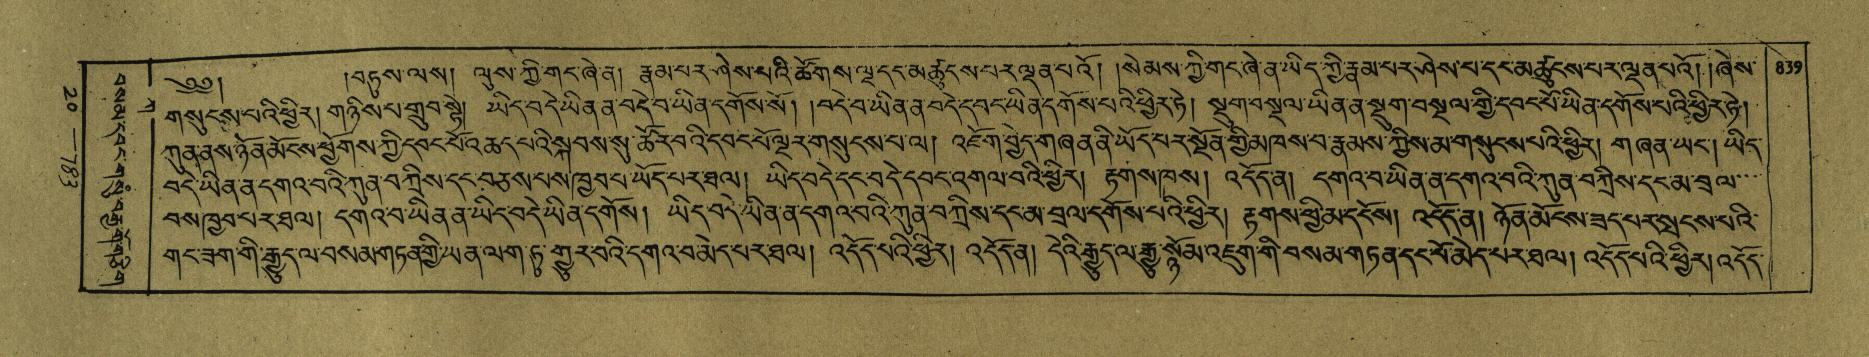༄༅། །བཏུས་ལས། ལུས་ཀྱི་གང་ཞེ་ན། རྣམ་པར་ཤེས་པའི་ཚོགས་ལྔ་དང་མཚུངས་པར་ལྡན་པའོ། །སེམས་ཀྱི་གང་ཞེ་ན་ཡིད་ཀྱི་རྣམ་པར་ཤེས་པ་དང་མཚུངས་པར་ལྡན་པའོ། །ཞེས་
གསུངས་པའི་ཕྱིར། གཉིས་པ་གྲུབ་སྟེ། ཡིད་བདེ་ཡིན་ན་བདེ་བ་ཡིན་དགོས་སོ། །བདེ་བ་ཡིན་ན་བདེ་དབང་ཡིན་དགོས་པའི་ཕྱིར་ཏེ། སྡུག་བསྔལ་ཡིན་ན་སྡུག་བསྔལ་གྱི་དབང་པོ་ཡིན་དགོས་པའི་ཕྱིར་ཏེ།
ཀུན་ནས་ཉོན་མོངས་ཕྱོགས་ཀྱི་དབང་པོ་འཆད་པའི་སྐབས་སུ་ཚོར་བའི་དབང་པོ་ལྔར་གསུངས་པ་ལ། འཇོག་བྱེད་གཞན་ནི་ཡོད་པར་སྔོན་གྱི་མཁས་བ་རྣམས་ཀྱིས་མ་གསུངས་པའི་ཕྱིར། གཞན་ཡང་། ཡིད་
བདེ་ཡིན་ན་དགའ་བའི་ཀུན་བཀྲིས་དང་བཅས་པས་ཁྱབ་པ་ཡོད་པར་ཐལ། ཡིད་བདེ་དང་བདེ་དབང་འགལ་བའི་ཕྱིར། རྟགས་ཁས། འདོད་ན། དགའ་བ་ཡིན་ན་དགའ་བའི་ཀུན་བཀྲིས་དང་མ་བྲལ་
བས་ཁྱབ་པར་ཐལ། དགའ་བ་ཡིན་ན་ཡིད་བདེ་ཡིན་དགོས། ཡིད་བདེ་ཡིན་ན་དགའ་བའི་ཀུན་བཀྲིས་དང་མ་བྲལ་དགོས་པའི་ཕྱིར། རྟགས་ཕྱི་མ་དངོས། འདོད་ན། ཉོན་མོངས་ཟད་པར་སྤངས་པའི་
གང་ཟག་གི་རྒྱུད་ལ་བསམ་གཏན་གྱི་ཡན་ལག་ཏུ་གྱུར་བའི་དགའ་བ་མེད་པར་ཐལ། འདོད་པའི་ཕྱིར། འདོད་ན། དེའི་རྒྱུད་ལ་རྒྱུས་ཉོམ་འཇུག་གི་བསམ་གཏན་དང་པོ་མེད་པར་ཐལ། འདོད་པའི་ཕྱིར། འདོད་